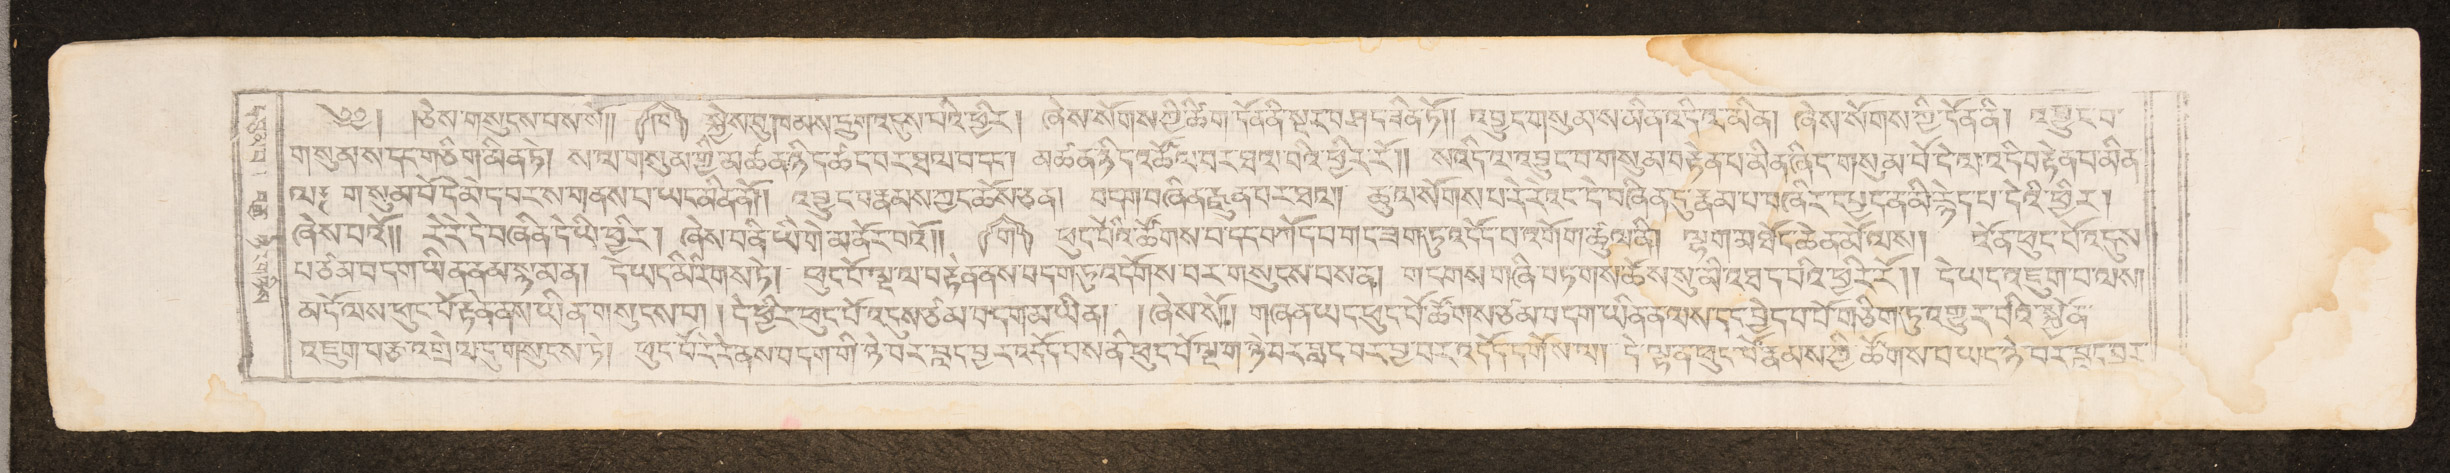༄༅། །ཅེས་གསུངས་པས་སོ།། ༼༽ཁ༼༽ སྐྱེས་བུ་ཁམས་དྲུག་འདུས་པའི་ཕྱིར། ཞེས་སོགས་ཀྱི་ཚིག་དོན་ནི་སྔར་བཤད་ཟིན་ཏོ།། འབྱུང་གསུམ་ས་མིན་འདི་ལ་མིན། ཞེས་སོགས་ཀྱི་དོན་ནི། འབྱུང་བ་
གསུམ་ས་དང་གཅིག་མིན་ཏེ། ས་ལ་གསུམ་གྱི་མཚན་ཉིད་ཚང་བར་ཐལ་བ་དང་། མཚན་ཉིད་འཚོལ་བར་ཐལ་བའི་ཕྱིར་རོ།། ས་འདི་ལ་འབྱུང་བ་གསུམ་བརྟེན་པ་མིན་ཞིང་གསུམ་པོ་དེ་ལ་འདི་བརྟེན་པ་མིན་
ལ༑ གསུམ་པོ་དེ་མེད་པར་ས་གནས་པ་ཡང་མིན་ནོ།། འབྱུང་བ་རྣམས་ཀྱང་ཆོས་ཅན། བདག་བཞིན་རྫུན་པར་ཐལ། ཆུ་ལ་སོགས་པ་རེ་རེའང་དེ་བཞིན་དུ་རྣམ་པ་བཞིན་དཔྱད་ན་མི་རྙེད་པ་དེའི་ཕྱིར།
ཞེས་པའོ།། རེ་རེ་དེ་བཞིན་དེ་ཡི་ཕྱིར། ཞེས་པ་ནི་ཡི་གེ་མ་ནོར་བའོ།། ༼༽ག༼༽ ཕུང་པོའི་ཚོགས་པ་དང་བཀོད་པ་གང་ཟག་ཏུ་འདོད་པ་འགོག་ཚུལ་ནི། ལྷག་མཐོང་ཆེན་མོ་ལས། འོ་ན་ཕུང་པོ་འདུས་
པ་ཙམ་བདག་ཡིན་ནམ་སྙམ་ན། དེ་ཡང་མི་རིགས་ཏེ། ཕུང་པོ་ལྔ་ལ་བརྟེན་ནས་བདག་ཏུ་འདོགས་པར་གསུངས་པས་ན། གདགས་གཞི་བཏགས་ཆོས་སུ་མི་འཐད་པའི་ཕྱིར་རོ།། དེ་ཡང་འཇུག་པ་ལས་
མདོ་ལས་ཕུང་པོ་རྟེན་ནས་ཡིན་གསུངས་པ། །དེ་ཕྱིར་ཕུང་པོ་འདུས་ཙམ་བདག་མ་ཡིན། །ཞེས་སོ།། གཞན་ཡང་ཕུང་པོ་ཚོགས་ཙམ་བདག་ཡིན་ན་ལས་དང་བྱེད་པ་པོ་གཅིག་ཏུ་འགྱུར་བའི་སྐྱོན་
འཇུག་པ་རྩ་འགྲེལ་དུ་གསུངས་ཏེ། ཕུང་པོ་རེ་རེ་ནས་བདག་གི་ཉེ་བར་བླད་བྱར་འདོད་པས་ནི་ཕུང་པོ་ལྔ་ག་ཉེ་བར་བླང་བར་བྱ་བར་འདོད་དགོས་ལ། དེ་ལྟ་ན་ཕུང་པོ་རྣམས་ཀྱི་ཚོགས་པ་ཡང་ཉེ་བར་བླང་བྱར་